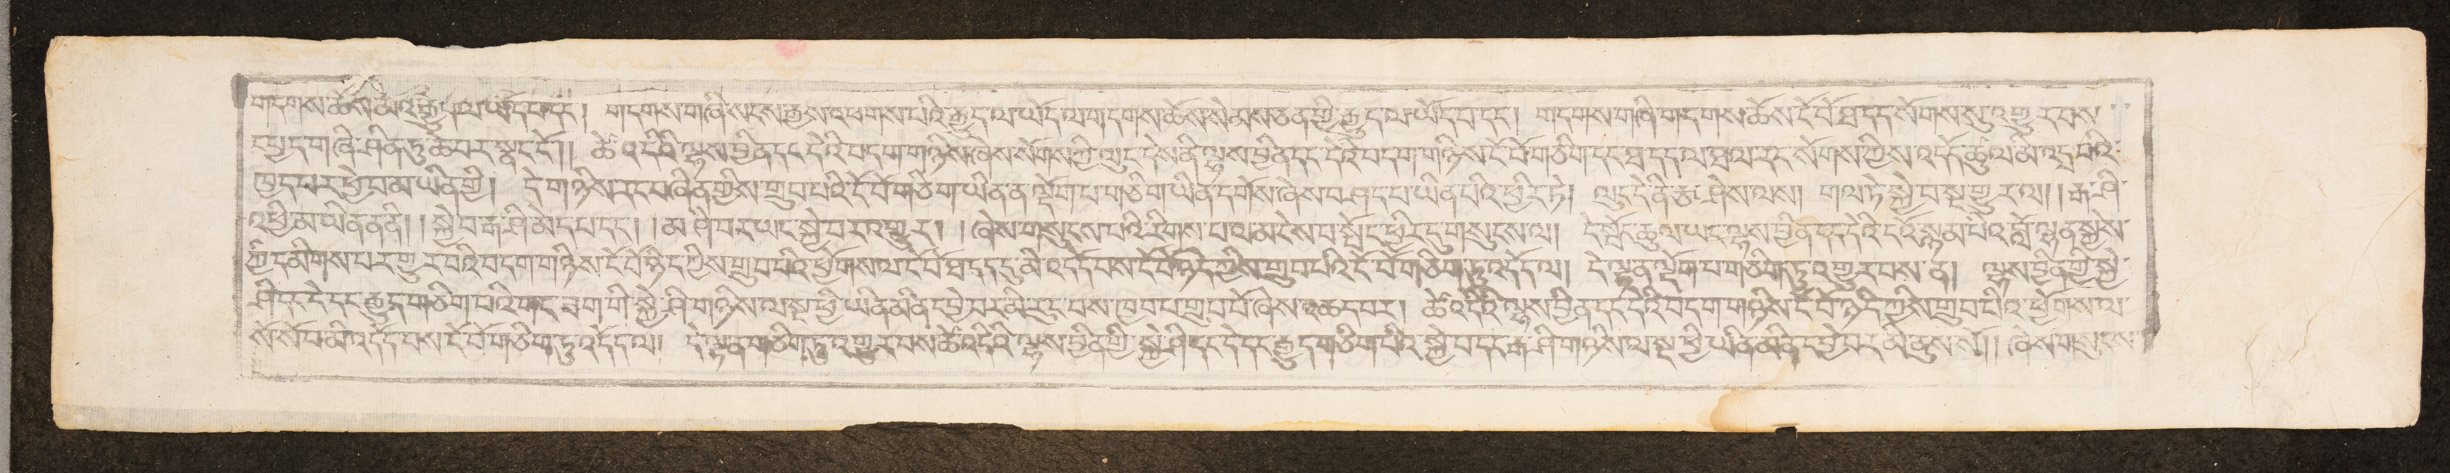གདགས་ཆོས་མིའི་རྒྱུད་ལ་ཡོད་པ་དང་། གདགས་གཞི་སངས་རྒྱས་འཕགས་པའི་རྒྱུད་ལ་ཡོད་ལ་གདགས་ཆོས་སེམས་ཅན་གྱི་རྒྱུད་ལ་ཡོད་པ་དང་། གདགས་གཞི་གདགས་ཆོས་ངོ་བོ་ཐ་དད་སོགས་སུ་འགྱུར་བས་
དཔྱད་གཞི་ཤིན་ཏུ་ཆེ་བར་སྣང་ངོ།། ཚེ་འདིའི་ལྷས་བྱིན་དང་དེའི་བདག་གཉིས་ཞེས་སོགས་ཀྱི་ལུང་དེས་ནི་ལྷས་བྱིན་དང་དེའི་བདག་གཉིས་ངོ་བོ་གཅིག་དང་ཐ་དད་ལ་ཐལ་རང་སོགས་ཀྱིས་འདོད་ཚུལ་མི་འདྲ་བའི་
ཁྱད་པར་ཕྱེ་བ་མ་ཡིན་གྱི། དེ་གཉིས་རང་བཞིན་གྱིས་གྲུབ་པའི་ངོ་བོ་གཅིག་ཡིན་ན་ལྔོག་པ་གཅིག་ཡིན་དགོས་ཞེས་བཤད་པ་ཡིན་པའི་ཕྱིར་ཏེ། ལུང་དེ་ནི་རྩ་ཤེས་ལས། གལ་ཏེ་སྐྱེ་བ་སྔར་གྱུར་ལ། །རྒ་ཤི་
འཕྱི་མ་ཡིན་ན་ནི། །སྐྱེ་བ་རྒ་ཤི་མེད་པ་དང་། །མ་ཤི་བར་ཡང་སྐྱེ་བར་འགྱུར། །ཞེས་གསུངས་པའི་རིགས་པ་ལ་མ་ངེས་པ་སྤོང་ཕྱིར་དུ་གསུངས་ལ། དེ་སྤོང་ཚུལ་ཡང་ལྷས་བྱིན་དང་དེའི་ངའོ་སྙམ་པའི་བློ་ལྷན་སྐྱེས་
ཀྱི་དམིགས་པར་གྱུར་བའི་བདག་གཉིས་ངོ་བོ་ཉིད་ཀྱིས་གྲུབ་པའི་ཕྱོགས་ལ་ངོ་བོ་ཐ་དད་དུ་མི་འདོད་པས་ངོ་བོ་ཉིད་ཀྱིས་གྲུབ་པའི་ངོ་བོ་གཅིག་ཏུ་འདོད་ལ། དེ་ལྟ་ན་ལྔོག་པ་གཅིག་ཏུ་འགྱུར་བས་ན། ལྷས་བྱིན་གྱི་སྐྱེ་
ཤི་དང་དེ་དང་རྒྱུད་གཅིག་པའི་གང་ཟག་གི་སྐྱེ་ཤི་གཉིས་ལ་སྔ་ཕྱི་ཡིན་མིན་དབྱེ་བར་མི་རུང་བས་ཁྱབ་པ་གྲུབ་བོ་ཞེས་འཆད་པར། ཚེ་འདིའི་ལྷས་བྱིན་དང་དེའི་བདག་གཉིས་ངོ་བོ་ཉིད་ཀྱིས་གྲུབ་པའི་ཕྱོགས་ལ་
སོ་སོ་བ་མི་འདོད་པས་ངོ་བོ་གཅིག་ཏུ་འདོད་ལ། དེ་ལྟ་ན་གཅིག་ཏུ་འགྱུར་བས་ཚེ་འདིའི་ལྷས་བྱིན་གྱི་སྐྱེ་ཤི་དང་དེ་དང་རྒྱུད་གཅིག་པའི་སྐྱེ་བ་དང་རྒ་ཤི་གཉིས་ལ་སྔ་ཕྱི་ཡིན་མིན་དབྱེ་བར་མི་ནུས་སོ། །ཞེས་གསུངས་